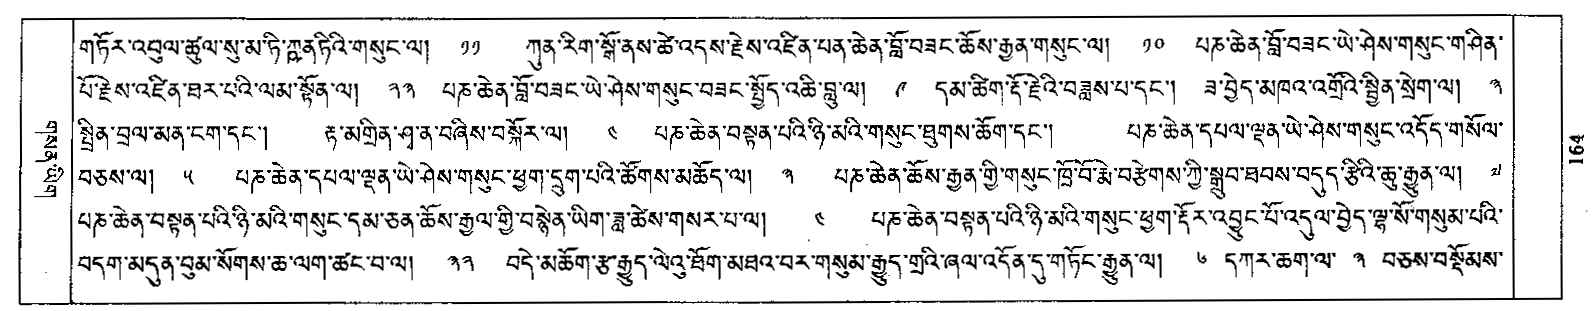གཏོར་འབུལ་ཚུལ་སུ་མ་ཏི་ཀྵན་ཏིའི་གསུང་ལ། ༡༡་ཀུན་རིག་སྒོ་ནས་ཚེ་འདས་རྗེས་འཛིན་པན་ཆེན་བློ་བཟང་ཆོས་རྒྱན་གསུང་ལ། ༡༠་པཎ་ཆེན་བློ་བཟང་ཡེ་ཤེས་གསུང་གཤིན་
པོ་རྗེས་འཛིན་ཐར་པའི་ལམ་སྟོན་ལ། ༢༣་པཎ་ཆེན་བློ་བཟང་ཡེ་ཤེས་གསུང་བཟང་སྤྱོད་འཆི་བླུ་ལ། ༩་དམ་ཚིག་རྡོ་རྗེའི་བཟླས་པ་དང་། ཟ་བྱེད་མཁའ་འགྲོའི་སྦྱིན་སྲེག་ལ། ༣
སྤྲིན་བྲལ་མན་ངག་དང་། རྟ་མགྲིན་ཤྭ་ན་བཞིས་བསྐོར་ལ། ༤་པཎ་ཆེན་བསྟན་པའི་ཉི་མའི་གསུང་ཐུགས་ཆོག་དང་། པཎ་ཆེན་དཔལ་ལྡན་ཡེ་ཤེས་གསུང་འདོད་གསོལ་
བཅས་ལ། ༥་པཎ་ཆེན་དཔལ་ལྡན་ཡེ་ཤེས་གསུང་ཕྱག་དྲུག་པའི་ཚོགས་མཆོད་ལ། ༣་པཎ་ཆེན་ཆོས་རྒྱན་གྱི་གསུང་ཁྲོ་བོ་རྨེ་བརྩེགས་ཀྱི་སྒྲུབ་ཐབས་བདུད་རྩིའི་ཆུ་རྒྱུན་ལ། ༧
པཎ་ཆེན་བསྟན་པའི་ཉི་མའི་གསུང་དམ་ཅན་ཆོས་རྒྱལ་གྱི་བསྙེན་ཡིག་ཟླ་ཚེས་གསར་པ་ལ། ༤་པཎ་ཆེན་བསྟན་པའི་ཉི་མའི་གསུང་ཕྱག་རྡོར་འབྱུང་པོ་འདུལ་བྱེད་ལྷ་སོ་གསུམ་པའི་
བདག་མདུན་བུམ་སོགས་ཆ་ལག་ཚང་བ་ལ། ༣༢་བདེ་མཆོག་རྩ་རྒྱུད་ལེའུ་ཐོག་མཐའ་བར་གསུམ་རྒྱུད་གྲའི་ཞལ་འདོན་དུ་གཏོང་རྒྱུན་ལ། ༦་དཀར་ཆག་ལ ༣་བཅས་བསྡོམས་